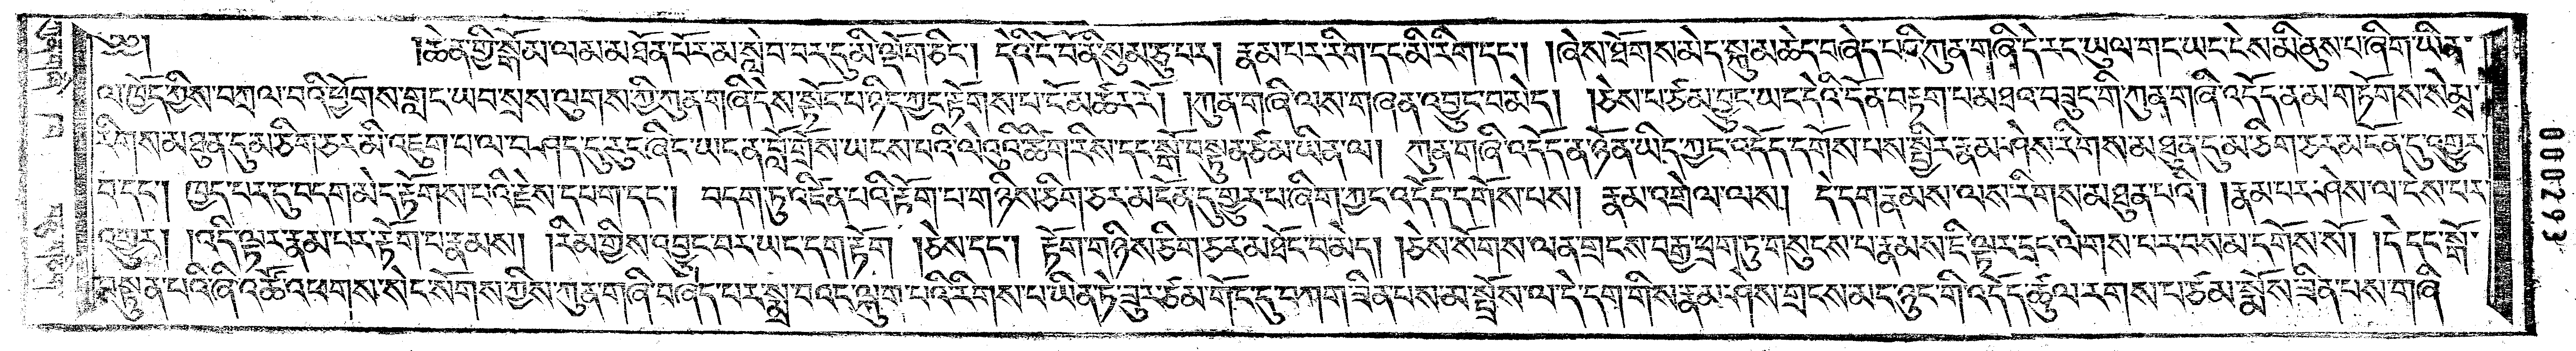༄༅། །ཆེན་གྱི་སྒོམ་ལམ་མཐོན་པོར་མ་སླེབ་བར་དུ་མི་ལྡོག་ཅིང་། དེའི་ངོ་བོ་ནི་སུམ་ཅུ་བར། རྣམ་པར་རིག་དང་མི་རིག་དང་། །ཞེས་ཐོགས་མེད་སྐུ་མཆེད་བཞེད་པའི་ཀུན་གཞི་དེ་རང་ཡུལ་གང་ཡང་དེས་མི་ནུས་པ་ཞིག་ཡིན་
ལ་ཁྱོད་ཀྱིས་བཀྲལ་བའི་ཕྱོགས་གླང་ཡབ་སྲས་ལུགས་ཀྱི་ཀུན་གཞི་དེས་སྟོང་པ་ཉིད་ཀྱང་རྟོགས་པ་ངོ་མཚར་རོ། །ཀུན་གཞི་ལས་གཞན་འབྱུང་བ་མེད། །ཅེས་པ་ཙམ་བྱུང་ཡང་དེའི་དོན་བརྟག་པ་མཐའ་བཟུང་གི་ཀུན་གཞི་འདོད་ན་མ་གཏོགས་སེམས་
རིགས་མཐུན་དུ་མ་ཅིག་ཅར་མི་འཇུག་པ་ལ་བཤད་དུ་རུང་ཞིང་ཡང་ན་བློ་གྲོས་ཡངས་པའི་ལེའུའི་ཚིག་རིས་དང་སྒོ་བསྟུན་ཙམ་ཡིན་ལ། ཀུན་གཞི་འདོད་ན་ཉོན་ཡིད་ཀྱང་འདོད་དགོས་པས་སྤྱིར་རྣམ་ཤེས་རིགས་མཐུན་དུ་མ་ཅིག་ཅར་མངོན་དུ་འགྱུར་
བ་དང་། ཁྱད་པར་དུ་བདག་མེད་རྟོགས་པའི་རྗེས་དཔག་དང་། བདག་ཏུ་འཛིན་པའི་རྟོག་པ་གཉིས་ཅིག་ཅར་མངོན་དུ་གྱུར་པ་ཞིག་ཀྱང་འདོད་དགོས་པས། རྣམ་འགྲེལ་ལས། དེ་དག་རྣམས་ལས་རིགས་མཐུན་པའི། །རྣམ་པར་ཤེས་ལ་ངེས་པར་
འགྱུར། །འདི་ལྟར་རྣམ་པར་རྟོག་པ་རྣམས། །རིམ་གྱིས་འབྱུང་བར་ཡང་དག་རྟོག །ཅེས་དང་། རྟོག་གཉིས་ཅིག་ཅར་མཐོང་བ་མེད། །ཅེས་སོགས་ལན་གྲངས་བརྒྱ་ཕྲག་ཏུ་གསུངས་པ་རྣམས་ཇི་ལྟར་དྲང་ལེགས་པར་བསམ་དགོས་སོ། །དེ་དང་སྒོ་
བསྟུན་པའི་ཞི་འཚོ་འཕགས་སེང་སོགས་ཀྱིས་ཀུན་གཞི་བཞེད་པར་སྨྲ་བའང་ལྐུག་པའི་རིགས་པ་ཡིན་ཏེ་ཟུར་ཙམ་གོང་དུ་བཀག་ཟིན་བས་མ་སྤྲོས་ལ་དེ་དག་གིས་རྣམ་ཤེས་གྲངས་མང་ཉུང་གི་འདོད་ཚུལ་རགས་པ་ཙམ་སྨོས་ཟིན་པས་གཞི་